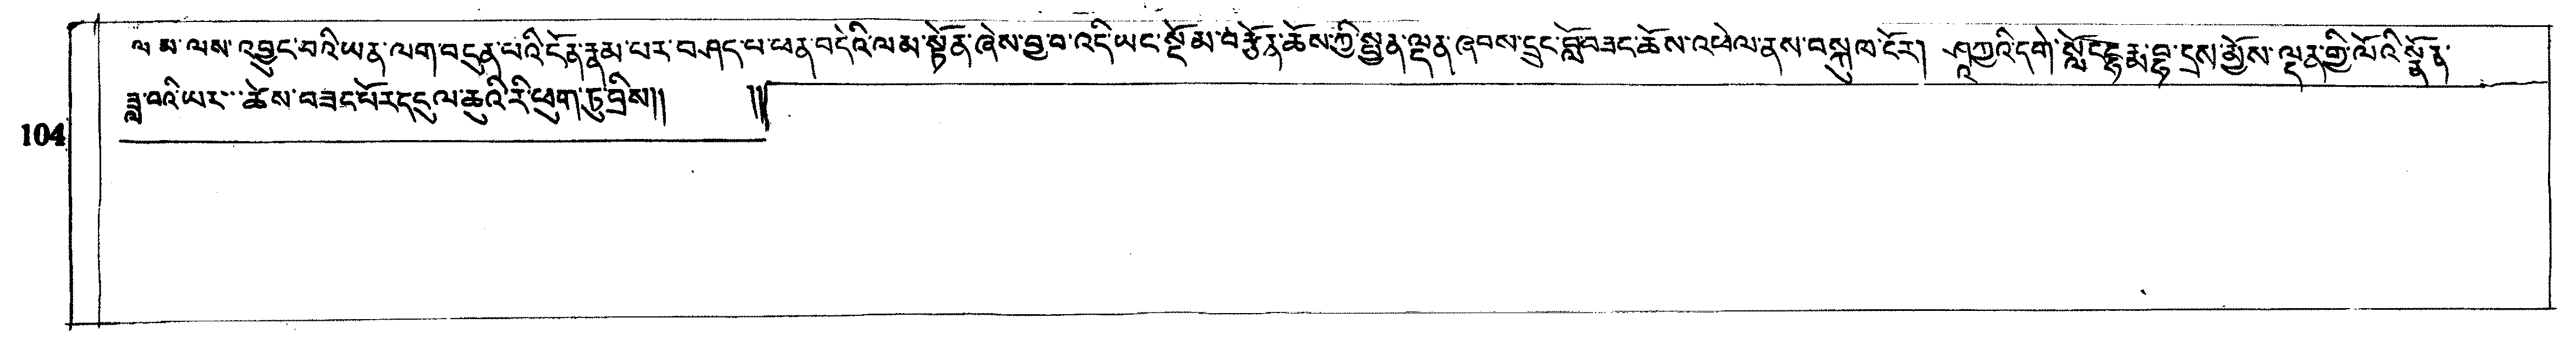ལམ་ལས་འབྱུང་བའི་ཡན་ལག་བདུན་པའི་དོན་རྣམ་པར་བཤད་པ་ཕན་བདེའི་ལམ་སྟོན་ཞེས་བྱ་བ་འདི་ཡང་སྡོམ་བརྩོན་ཆོས་ཀྱི་སྤྱན་ལྡན་ཞབས་དྲུང་བློ་བཟང་ཆོས་འཕེལ་ནས་བསྐུལ་ངོར། ཤཱཀྱའི་དགེ་སློང་དྷརྨ་བྷ་དྲས་མྱོས་ལྡན་གྱི་ལོའི་སྣོན་
ཟླ་བའི་ཡར་ཚེས་བཟང་པོར་དངུལ་ཆུའི་རི་ཕུག་ཏུ་བྲིས།། །།